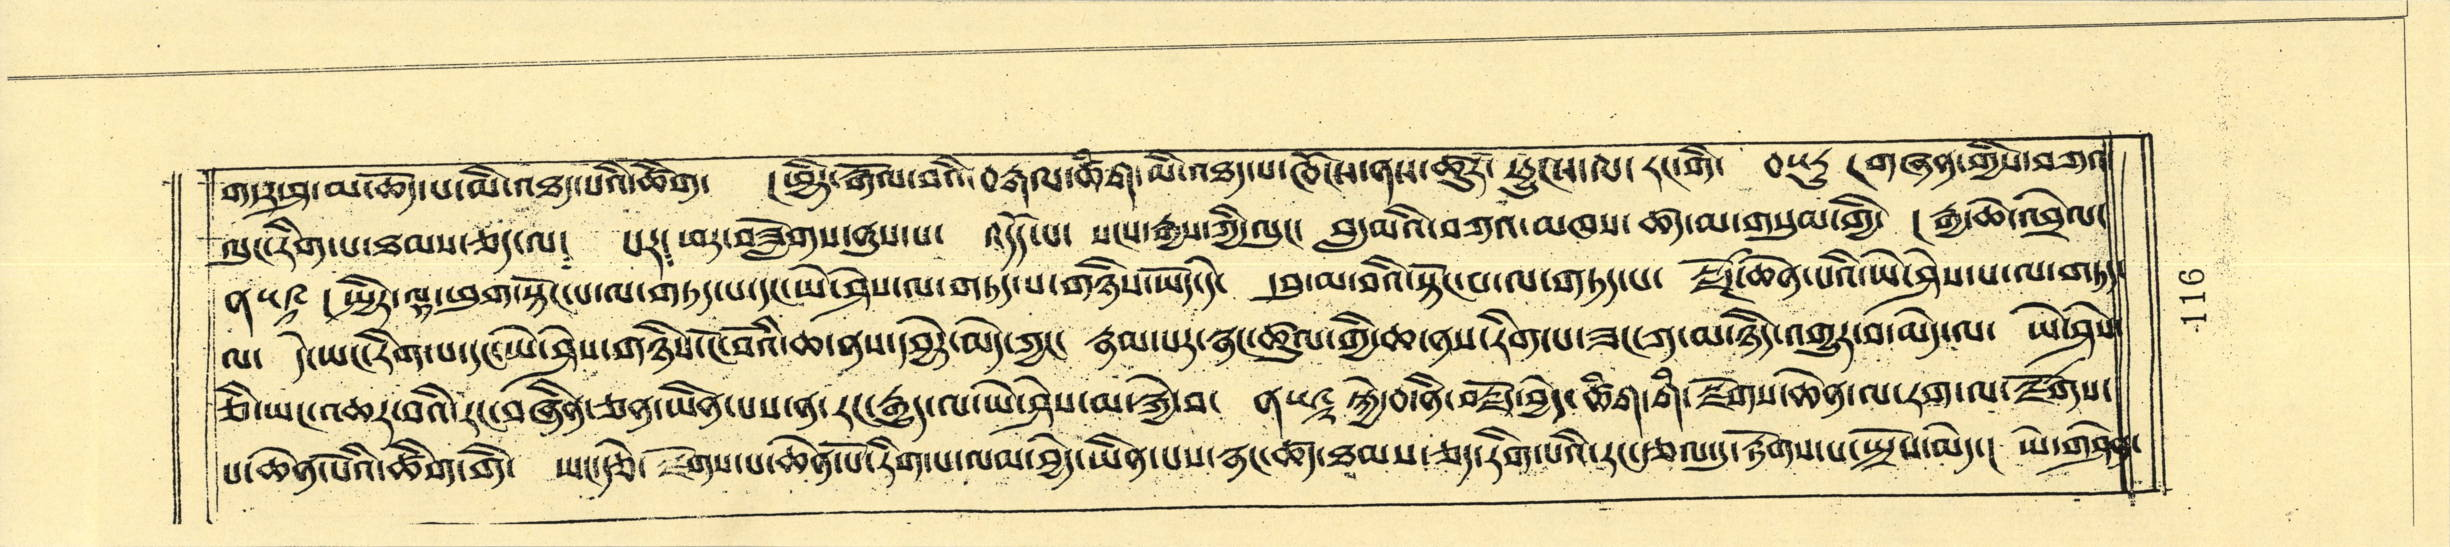གདར་ཤ་མ་ཆོད་པ་མི་འཐད་པའི་ཚིག ཕྱིར་རྒོལ་བའི་༼བརྒལ་ཚིག༽མི་འཐད་པ་༼ཁོངས་༽ནས་ཚུར་༼ཕྱུངས་ལ༽རང་གི བ༥༨།༦ གཞན་གྱིས་བཀའ་
ལུང་རིག་པ་ཐམས་ཅད་ལ་༼པར༽ཕར་བཟློགས་ནུས་པ་༼འདོད་པ༽སངས་རྒྱས་ཀྱི་ལུང་བླ་མའི་བཀའ་མཁས་ཚད་མ་གསུམ་གྱི་རྒྱ་ཆེ་འགྲེལ་
ན༥༩།༡ སྤྱིར་ལྟ་ཕུག་སྟོང་པ་ལ་གཏད་པ་དང་ཡེ་ཤེས་ལ་གཏད་པ་གཉིས་ཡོད་དེ། དབུ་མ་བའི་སྟོང་པ་ལ་གཏད་པ་རྫོགས་ཆེན་པའི་ཡེ་ཤེས་ལ་གཏད་
ལ། དེ་ཡང་རིག་པ་དང་ཡེ་ཤེས་གཉིས་ངོ་བོའི་ཆ་ནས་དབྱེར་མེད་ཀྱང་། རྣམ་པར་སྣང་ཚུལ་གྱི་ཆ་ནས་རིག་པ་ཟང་ཀ་མ་ཉིད་འགྱུར་བ་མེད་ལ། ཡེ་ཤེས་
ཅི་ཡང་འཆར་བའི་རང་བཞིན་ཅན་ཡིན་པས་ན་རང་རྒྱུད་ལ་ཡེ་ཤེས་མ་སྐྱེ་བ་ན༥༩།༢ སྐྱེ་བ་ནི་རྗོད་བྱེད་༼ཚིག་གི༽རྫོགས་ཆེན་ལ་རགས་ལ་རྫོགས་
པ་ཆེན་པོའི་ཚིག་གི་༼ཡང་རྩེ༽རྫོགས་པ་ཆེན་པོ་རིག་པ་ལམ་བྱེད་ཡིན་པས། སྣང་ཚད་ཐམས་ཅད་རིག་པའི་རང་རྩལ་དུ་རྟོགས་པ་སྤྲོས་མེད། ཡེ་གཤེན་